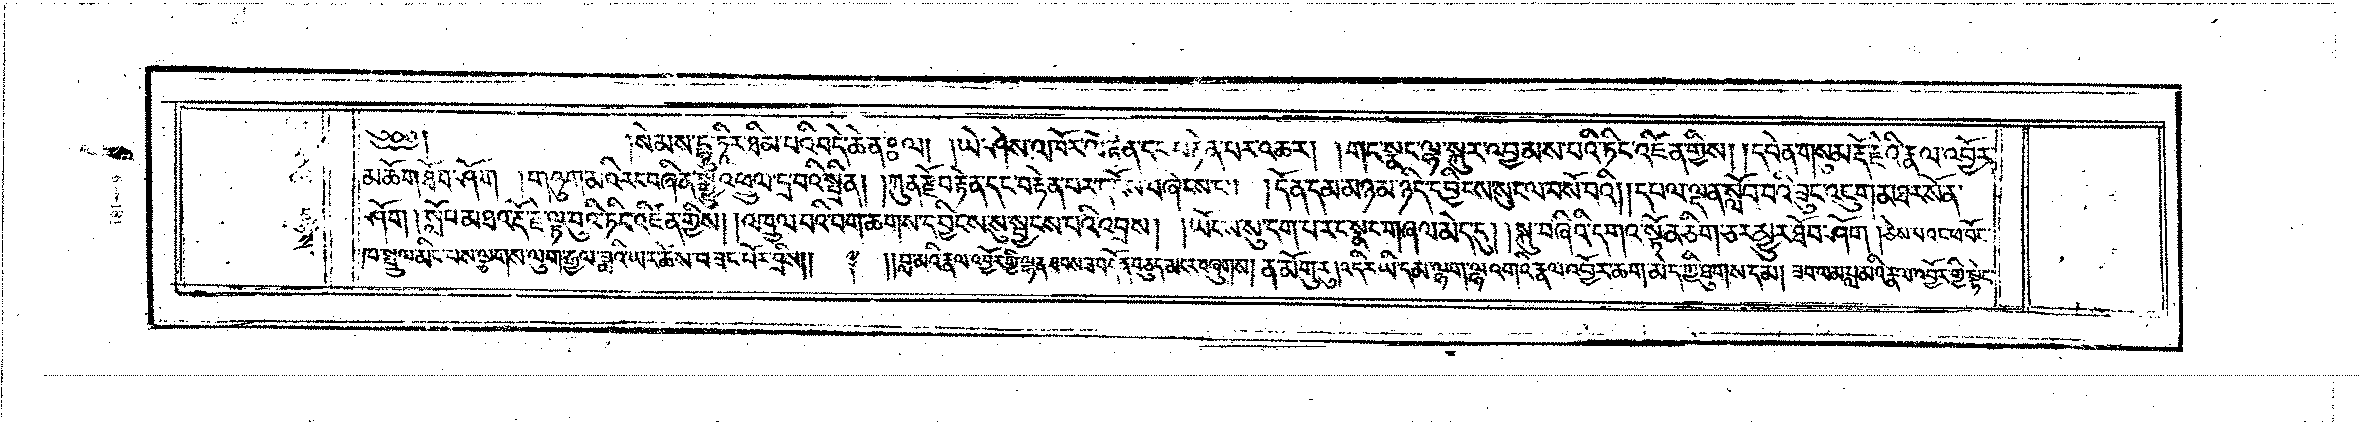༄༅། །སེམས་དྷཱུ་ཏཱིར་ཐིམ་པའི་བདེ་ཆེནཿལ། །ཡེ་ཤེས་འཁོར་ལོ་རྟེན་དང་བརྟེན་པར་འཆར། །གང་སྣང་ལྷ་སྐུར་འབྱམས་པའི་ཏིང་འཛིན་གྱིས། །དབེན་གསུམ་རྡོ་རྗེའི་རྣལ་འབྱོར་
མཆོག་ཐོབ་ཤོག །གཉུག་མའི་རང་བཞིན་སྒྱུ་འཕྲུལ་དྲ་བའི་སྤྲིན། །ཀུན་རྫོབ་བརྟེན་དང་བརྟེན་པར་དངོས་བཞེངས་པ། །དོན་དམ་མཉམ་ཉིད་དབྱིངས་སུ་ངལ་བསོ་བའི། །དཔལ་ལྡན་སློབ་བའི་ཟུང་འཇུག་མཐར་སོན་
ཤོག །སློབ་མཐའ་རྡོ་རྗེ་ལྟ་བུའི་ཏིང་འཛིན་གྱིས། །འཁྲུལ་བའི་བག་ཆགས་དབྱིངས་སུ་སྦྱངས་པའི་འབྲས། །ཡོངས་སུ་དག་པ་རང་སྣང་གཞལ་མེད་དུ། །སྐུ་བཞིའི་དགའ་སྟོན་ཅིག་ཅར་མྱུར་ཐོབ་ཤོག །ཅེས་པའང་ཕ་བོང་
ཁ་སྤྲུལ་མིང་བས་ལྕགས་ལུག་རྒྱལ་ཟླའི་ཡར་ཚེས་བཟང་པོར་བྲིས།། ༈ །།བླ་མའི་རྣལ་འབྱོར་གྱི་ལྷན་ཐབས་ཟབ་དོན་བཅུད་མངར་བཞུགས། ན་མོ་གུ་རུ། འདིར་ཡི་དམ་ལྷག་ལྷ་འགའི་རྣལ་འབྱོར་ཆག་མེད་ཀྱི་ཐུགས་དམ། ཟབ་ལམ་བླ་མའི་རྣལ་འབྱོར་གྱི་སྟེང་